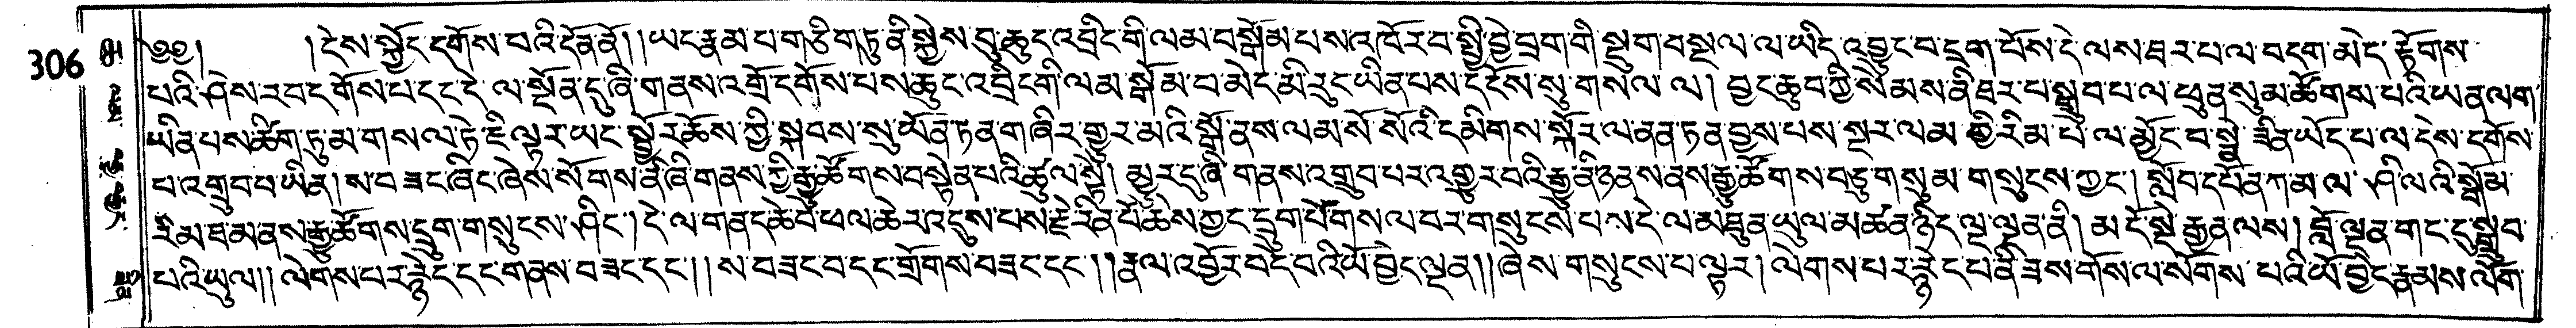༄༅། །དེས་སྐྱོད་དགོས་པའི་དོན་ནོ། །ཡང་རྣམས་པ་གཅིག་ཏུ་ནི་སྐྱེས་བུ་ཆུང་འབྲིང་གི་ལམ་བསྒོམ་པས་འཁོར་བ་སྤྱི་བྱེ་བྲག་གི་སྡུག་བསངལ་ལ་ཡིད་འབྱུང་བ་དྲག་པོས་དེ་ལས་ཐར་པ་ལ་བདག་མེད་རྟོགས་
པའི་ཤེས་རབ་དགོས་པ་དང་དེ་ལ་སྔོན་དུ་ཞི་གནས་འགྲོ་དགོས་པས་ཆུང་འབྲིང་གི་ལམ་སྒོམ་པ་མེད་མི་རུང་ཡིན་པས་དངོས་སུ་གསལ་ལ། བྱང་ཆུབ་ཀྱི་སེམས་ནི་ཐར་པ་སྒྲུབ་པ་ལ་ཕུན་སུམ་ཚོགས་པའི་ཡན་ལག་
ཡིན་པས་ཚིག་ཏུ་མ་གསལ་ཏེ་ཇི་ལྟར་ཡང་སྦྱོར་ཆོས་ཀྱི་སྐབས་སུ་ཡོན་ཏན་གཞིར་གྱུར་མའི་སྒོ་ནས་ལམ་སོ་སོའི་དམིགས་སྐོར་ལ་ནན་ཏན་བྱས་པས་སྔར་ལམ་གྱི་རིམ་པ་ལ་མྱོང་བ་སྣེ་ཟིན་ཡོད་པ་ལ་དེས་དགོས་
པ་འགྲུབ་པ་ཡིན། ས་བཟང་ཞིང་ཞེས་སོགས་ནི་ཞི་གནས་ཀྱི་རྒྱུ་ཚོགས་བསྟེན་པའི་ཚུལ་སྟེ། མྱུར་དུ་ཞི་གནས་འགྲུབ་པར་འགྱུར་བའི་རྒྱུ་ནི་ཉན་ས་ནས་རྒྱུ་ཚོགས་བཅུ་གསུམ་གསུངས་ཀྱང་། སློབ་དཔོན་ཀ་མ་ལ་ཤི་ལའི་སྒོམ་
རིམ་ཐ་མ་ནས་རྒྱུ་ཚོགས་དྲུག་གསུངས་ཤིང་། དེ་ལ་གནད་ཆེ་བ་ཕལ་ཆེར་འདུས་པས་རྗེ་རིན་པོ་ཆེས་ཀྱང་དྲུག་པོ་གསལ་བར་གསུངས་པས་དེ་ལ་མཐུན་ཡུལ་མཚན་ཉིད་ལྔ་ལྡན་ནི། མདོ་སྡེ་རྒྱན་ལས། བློ་ལྡན་གང་དུ་སྒྲུབ་
པའི་ཡུལ། །ལེགས་པར་རྙེད་དང་གནས་བཟང་དང་། །ས་བཟང་བ་དང་གྲོགས་བཟང་དང་། །རྣལ་འབྱོར་བདེ་བའི་ཡོ་བྱེད་ལྡན། །ཞེས་གསུངས་པ་ལྟར། ལེགས་པར་རྙེད་པ་ནི་ཟས་གོས་ལ་སོགས་པའི་ཡོ་བྱེད་རྣམས་ལོག་